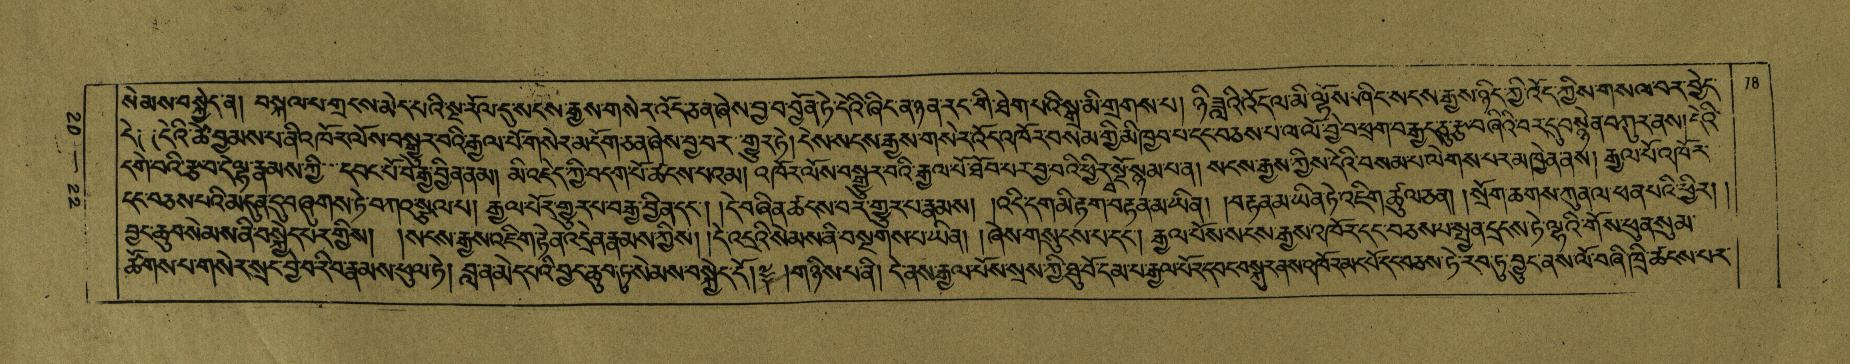སེམས་བསྐྱེད་ན། བསྐལ་བ་གྲངས་མེད་པའི་སྔ་རོལ་དུ་སངས་རྒྱས་གསེར་འོད་ཅན་ཞེས་བྱ་བ་བྱོན་ཏེ་དེའི་ཞིང་ན་ཉན་རང་གི་ཐེག་པའི་སྒྲ་མི་གྲགས་པ། ཉི་ཟླའི་འོད་ལ་མི་ལྟོས་ཤིང་སངས་རྒྱས་ཉིད་ཀྱི་འོད་ཀྱིས་གསལ་བར་བྱེད་
དེ༑ ༑དེའི་ཚེ་བྱམས་པ་ནི་འཁོར་ལོས་བསྒྱུར་བའི་རྒྱལ་པོ་གསེར་མདོག་ཅན་ཞེས་བྱ་བར་གྱུར་ཏེ། དེས་སངས་རྒྱས་གསེར་འོད་འཁོར་བསམ་གྱི་མི་ཁྱབ་པ་དང་བཅས་པ་ལ་ལོ་བྱེ་བ་ཕྲག་བརྒྱད་ཅུ་རྩ་བཞིའི་བར་དུ་བསྙེན་བཀུར་ནས། དེའི་
དགེ་བའི་རྩ་བ་དེ་ལྷ་རྣམས་ཀྱི་དབང་པོ་བརྒྱ་བྱིན་ནམ། མི་འཇེད་ཀྱི་བདག་པོ་ཚངས་པའམ། འཁོར་ལོས་བསྒྱུར་བའི་རྒྱལ་པོ་ཐོབ་པར་བྱ་བའི་ཕྱིར་སྔོ་སྙམ་པ་ན། སངས་རྒྱས་ཀྱིས་དེའི་བསམ་པ་ལེགས་པར་མཁྱེན་ནས། རྒྱལ་པོ་འཁོར་
དང་བཅས་པའི་མདུན་དུ་བཞུགས་ཏེ་བཀའ་སྩལ་པ། རྒྱལ་པོར་གྱུར་པ་བརྒྱ་བྱིན་དང་། །དེ་བཞིན་ཚངས་པར་གྱུར་པ་རྣམས། །འདི་དག་མི་རྟག་བརྟན་མ་ཡིན། །བརྟན་མ་ཡིན་ཏེ་འཇིག་ཚུལ་ཅན། །སྲོག་ཆགས་ཀུན་ལ་ཕན་པའི་ཕྱིར།།
བྱང་ཆུབ་སེམས་ནི་བསྐྱེད་པར་གྱིས། །སངས་རྒྱས་འཇིག་རྟེན་འདྲེན་རྣམས་ཀྱིས། །དེ་འདྲའི་སེམས་ནི་བསྔགས་པ་ཡིན། །ཞེས་གསུངས་པ་དང་། རྒྱལ་པོས་སངས་རྒྱས་འཁོར་དང་བཅས་པ་སྤྱན་དྲངས་ཏེ་ལྷའི་གོས་ཕུན་སུམ་
ཚོགས་པ་གསེར་སྲང་བྱེ་བ་རིབ་རྣམས་ཕུལ་ཏེ། བླ་ན་མེད་པའི་བྱང་ཆུབ་ཏུ་སེམས་བསྐྱེད་དོ། ༈ །གཉིས་པ་ནི། དེ་ནས་རྒྱལ་པོས་སྲས་ཀྱི་ཐུ་བོ་དམ་པ་རྒྱལ་པོར་དབང་བསྐུར་ནས་འཁོར་མང་པོ་དང་བཅས་ཏེ་རབ་ཏུ་བྱུང་ནས་ལོ་བཞི་ཁྲི་ཚངས་པར་